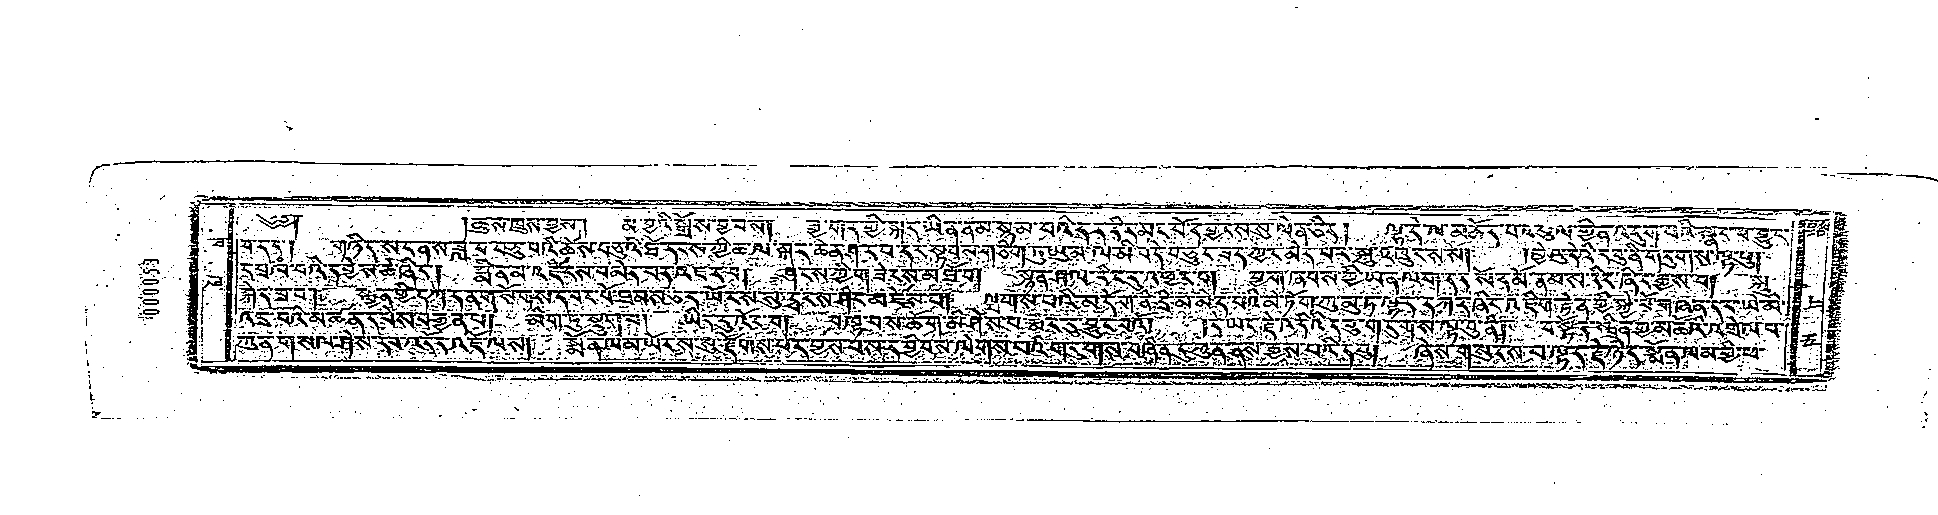༄༅། །ཆུས་ཁྲུས་བྱས། རྨ་བྱའི་སྒྲོས་བྱ་བས། རྒྱ་གར་གྱི་སྐད་ཡིན་ནམ་སྙམ་པའི་དར་དིར་མང་པོ་དབྱངས་སུ་ལེན་ཅིང་། ལྷ་དེ་ལ་མཆོད་པ་འཕྲུལ་གྱིན་འདུག་པའི་སྣང་བ་བྱུང་
བ་དང་། གཉིད་སང་ནས་ཟླ་བ་བཅུ་པའི་ཚེས་བཅུའི་ཐོ་རངས་ཀྱི་ཆ་ལ་སྐར་ཆེན་ཤ་རབ་དང་སྟབས་གཅིག་ཏུ་ཡུམ་ལ་མི་བདེ་བ་ཅུང་ཟད་ཀྱང་མེད་པར་སྐུ་འཁྲུངས་སོ། །ཁྱེའུ་དེའི་དབུ་ནི་གདུགས་ལྟ་བུ།
དཔྲལ་བའི་དབྱེས་ཆེ་ཞིང་། སྨིན་མ་འཛིངས་པ་མེད་པར་འཐར་བ། ཤངས་ཀྱི་གཟེངས་མཐོ་བ། སྙན་ཤལ་རིང་དུ་འཕྱང་བ། ཕྱག་ཞབས་ཀྱི་ཡན་ལག་དང་སོར་མོ་ནམས་དིར་ཞིང་རྒྱས་བ། སྐུ་
སྐེད་ཕྲ་བ། སྤྱན་གྱི་དཀར་ནག་སོགས་དབང་པོ་ཐམས་ཅད་ཡོངས་སུ་དྭངས་ཤིང་མཛེས་བ། ལྤགས་པའི་མདོག་ནི་དྲི་མ་མེད་པའི་མེ་ཏོག་ཀུ་མུ་ཏ་ལྟར་དཀར་ཞིང་འཇིག་རྟེན་གྱི་སྐྱེ་པོ་གཞན་དང་ཡེ་མི་
འདྲ་བའི་མཚན་དཔེས་བརྒྱན་པ། མིག་ཏུ་སྡུག་པ། ཡིད་དུ་འོང་བ། བལྟ་བས་ཆོག་མི་ཤེས་པ་རྨང་དུ་བྱུང་བའོ། །དེ་ཡང་རྗེ་འདིའི་དབུ་གདུགས་ལྟ་བུ་ནི། བསྟོད་སྤྲིན་གྱི་མཚོའི་འགྲེལ་བ་
ཀུན་གསལ་ཤེས་རབ་འདོད་འཇོ་ལས། སྨོན་ལམ་ཡོངས་སུ་རྫོགས་པར་བྱས་བས་དབྱིབས་ལེགས་པའི་གདུགས་བཞིན་དུ་ཀུན་ནས་རྒྱས་པའི་དབུ། ཞེས་གསུངས་བ་ལྟར་རྗེ་ཉིད་སྨོན་ལམ་གྱི་ཕ་